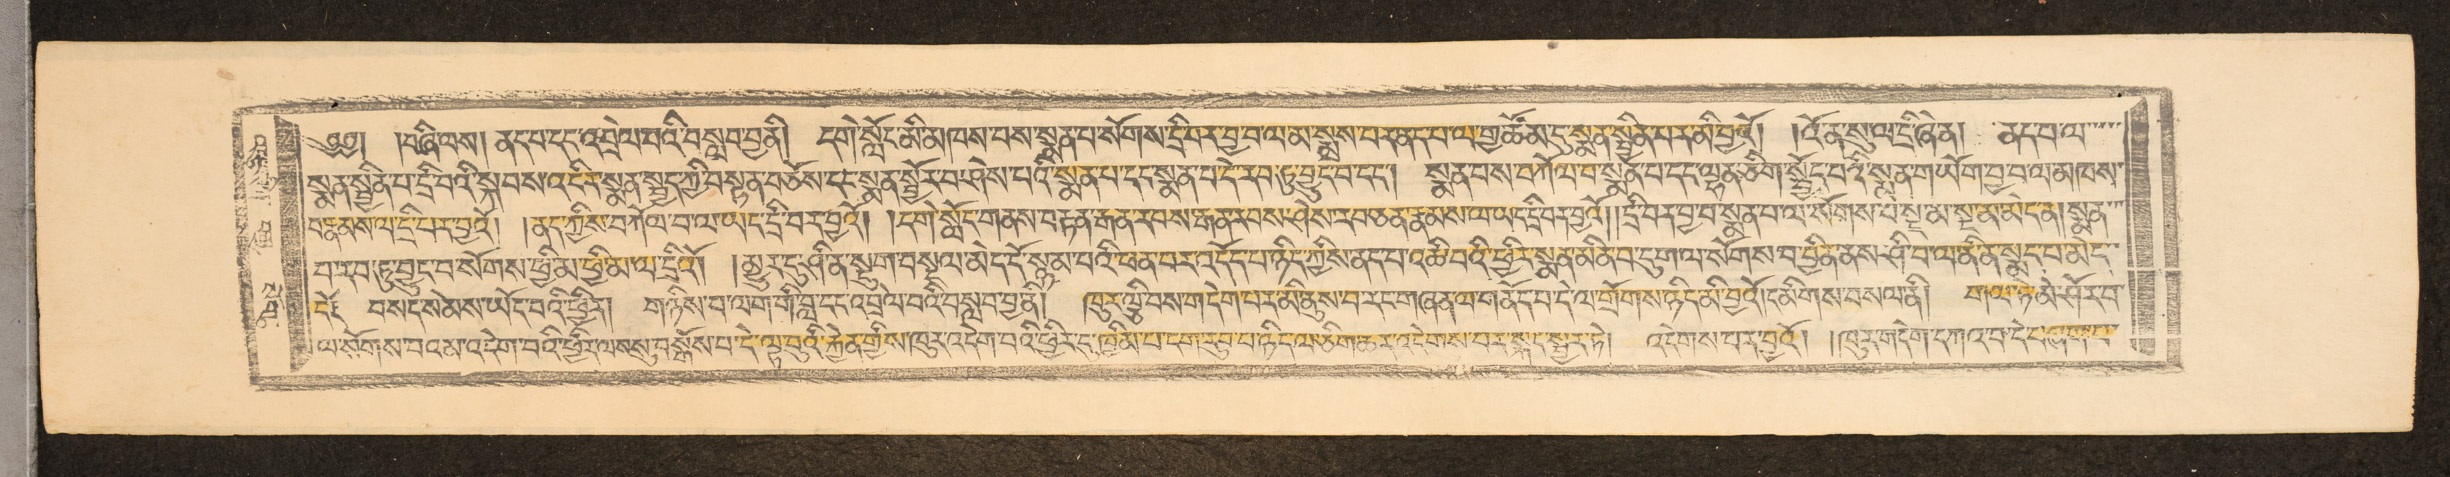༄༅། །བཞི་ལས། ནད་པ་དང་འབྲེལ་བའི་བསླབ་བྱ་ནི། དགེ་སློང་མི་མཁས་པས་སྨན་པ་སོགས་དྲི་བར་བྱ་བ་ལ་མ་སྨྲས་པར་ནད་པ་ལ་གྱ་ཚོམ་དུ་སྨན་སྦྱིན་པར་མི་བྱའོ། །འོ་ན་སུ་ལ་དྲི་ཞིན། ནད་པ་ལ་
སྨན་སྦྱིན་པ་དྲི་བའི་སྐབས་འདིར་སྨན་སྤྱད་ཀྱི་བསྟན་བཅོས་དང་སྨན་སྦྱོར་བ་ཤེས་པའི་སྨན་པ་དང་སྨན་པ་དེ་རབ་ཏུ་བྱུང་བ་དང་། སྨན་པས་བཀོལ་བ་སྨན་པ་དང་ལྷན་ཅིག་སྤྱོད་པའི་སྨན་གཡོག་བྱ་བ་ལ་མཁས་
བ་རྣམས་ལ་དྲི་བར་བྱའོ། །ནད་ཀྱིས་བཀོལ་བ་ལ་ཡང་དྲི་བར་བྱའོ། །དགེ་སློང་གནས་བརྟན་རྒན་རབས་རྒན་རབས་ཤེས་རབ་ཅན་རྣམས་ལ་ཡང་དྲི་བར་བྱའོ། །དྲི་བར་བྱ་བ་སྨན་པ་ལ་སོགས་པ་སྔ་མ་སྔ་མ་མེད་ན། སྨན་
པ་རབ་ཏུ་བྱུང་བ་སོགས་ཕྱི་མ་ཕྱི་མ་ལ་དྲིའོ། །མྱུར་དུ་ཤི་ན་སྡུག་བསྔལ་མེད་དོ་སྙམ་པའི་ཕན་པར་འདོད་པ་ཉིད་ཀྱིས་ནད་པ་འཆི་བའི་ཕྱིར་སྨན་མིན་པ་དུག་ལ་སོགས་པ་བྱིན་ནས་ཤི་བ་ལ་ནི་ན་སྨད་པ་མེད་
དེ། བསད་སེམས་ཡོད་པའི་ཕྱིར། གཉིས་པ་ལག་གི་བླ་དང་འབྲེལ་བའི་བསླབ་བྱ་ནི། ཁུར་ལྕི་བས་གདེག་པར་མི་ནུས་པ་རང་གཞན་ལ་གནོད་པ་དེ་ལ་གྲོགས་ཉིད་མི་བྱའོ་།དམིགས་བསལ་ནི། གལ་ཏེ་མེ་ཤོར་བ་
ལ་སོགས་པའམ་འདེག་པའི་ཕྱིར་ལས་སུ་བསྐོས་པ་དེ་ལྟ་བུའི་རྐྱེན་གྱིས་ཁུར་འདེག་པའི་ཕྱིར་དུ་ཁྱིམ་པ་དག་རུབ་པ་ཉིད་ལ་ཅིག་ཆར་འདེགས་པར་སྐད་སྦྱར་ཏེ། འདེགས་པར་བྱའོ། །ཁུར་གདེག་དཀའ་བ་དེ་བཞག་པ་